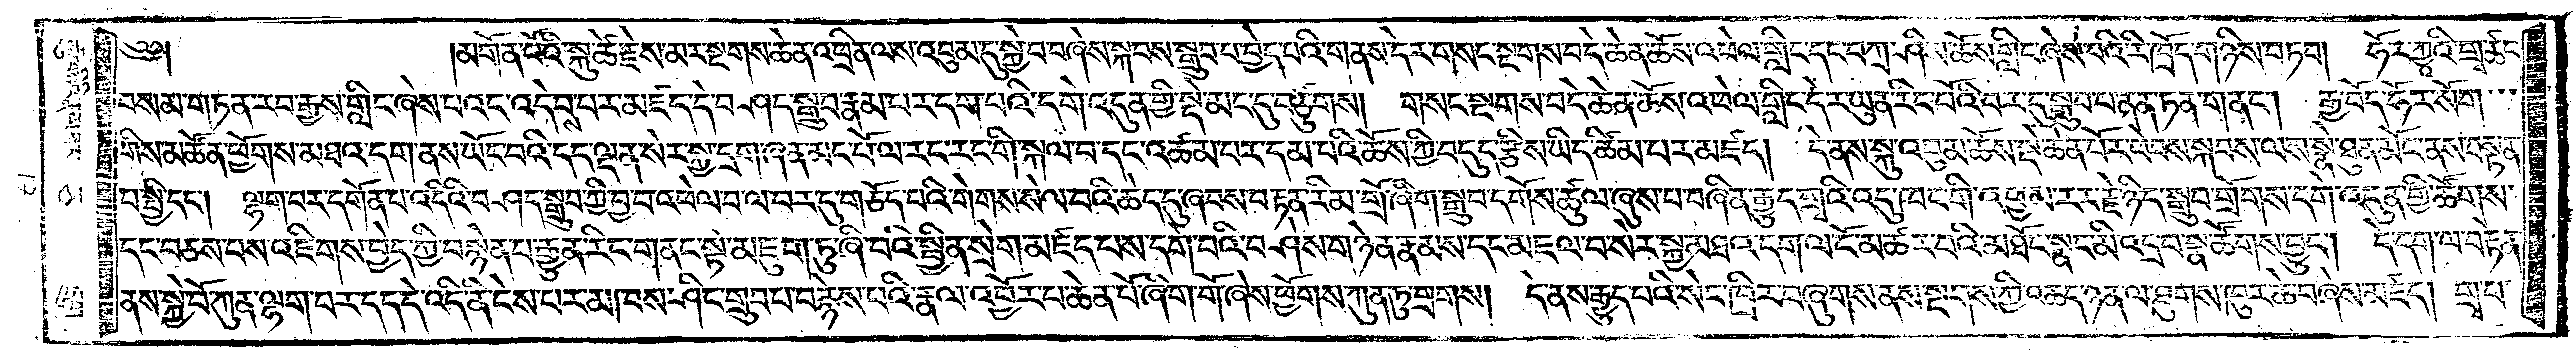༄༅། །མགོན་པོའི་སྐུ་ཚེ་རྗེས་མར་སྔགས་ཆེན་འཕྲིན་ལས་འབུམ་དུ་སྐྱེ་བ་བཞེས་སྐབས་སྒྲུབ་བ་བྱེད་པའི་གནས་དེར་གསང་སྔགས་བདེ་ཆེན་ཆོས་འཕེལ་གླིང་དང་བཀྲ་ཤིས་ཆོས་གླིང་ཞེས་བའི་རི་ཁྲོད་གཉིས་བཏབ། ཧོར་ཀྱཱའི་གྲྭ་ཚང་
བསམ་གཏན་རབ་རྒྱས་གླིང་ཞེས་པའང་བདེབས་པར་མཛད་དེ་བཤད་སྒྲུབ་རྣམ་པར་དག་པའི་དགེ་འདུན་གྱི་སྡེ་མང་དུ་བཙུགས། གསང་སྔགས་བདེ་ཆེན་ཆོས་འཕེལ་གླིང་དེར་ཡུན་རིང་བོའི་བར་དུ་སྒྲུབ་པ་ནན་ཏན་གནང་། རྒྱ་བོད་ཧོར་སོག་
གིས་མཚོན་ཕྱོགས་མཐའ་དག་ནས་ཡོང་བའི་དད་ལྡན་སེར་སྐྱ་དྲག་ཞན་མང་པོ་ལ་རང་རང་གི་སྐལ་བ་དང་འཚམ་བར་དམ་པའི་ཆོས་ཀྱི་བདུད་རྩིས་ཡིད་ཚིམ་བར་མཛད། དེ་ནས་སྐུ་འབུམ་ཆོས་སྡེ་ཆེན་པོར་ཕེབས་སྐབས་ལས་སྣེ་ཐུན་མོང་ནས་བསྟན་
པ་སྤྱི་དང་། ལྷག་བར་དགོན་པ་འདིའི་བཤད་སྒྲུབ་ཀྱི་བྱ་བ་འཕེལ་བ་ལ་བར་དུ་གཅོད་པའི་གེགས་སེལ་བའི་ཆེད་དུ་ཞབས་བརྟན་རིམ་གྲོ་ཞིག་སྒྲུབ་དགོས་ཚུལ་ཞུས་པ་བཞིན་རྒྱུད་གྲྭའི་འདུ་ཁང་གི་འཕྱམ་རར་རྗེ་ཉིད་སྒྲུབ་གྲགས་དགེ་འདུན་གྱི་ཚོགས་
དང་བཅས་པས་འཇིགས་བྱེད་ཀྱི་བསྙེན་བ་རྒྱུན་རིང་གནང་སྟེ་མཇུག་ཏུ་ཞི་བའི་སྦྱིན་སྲེག་མཛད་བས་དགེ་བའི་བཤེས་གཉེན་རྣམས་དང་མཇལ་བ་སེར་སྐྱ་མཐའ་དག་ལ་ངོ་མཚར་བའི་མཐོང་སྣང་མི་འདྲ་བ་སྣ་ཚོགས་བྱུང་། དེ་དག་ལ་བརྟེན་
ནས་སྐྱེ་བོ་ཀུན་ལྷག་བར་དད་དེ་འདི་ནི་ངེས་པར་མཁས་ཤིང་གྲུབ་པ་བརྙེས་པའི་རྣལ་འབྱོར་པ་ཆེན་པོ་ཞིག་གོ་ཞེས་ཕྱོགས་ཀུན་ཏུ་གྲགས། དེ་ནས་རྒྱུད་པའི་སེང་ཁྲིར་བཞུགས་ནས་སྔགས་ཀྱི་འཆད་ཉིན་ལ་ཐུགས་ཁུར་ཆེ་བཞེས་མཛད། གྲྭ་བ་